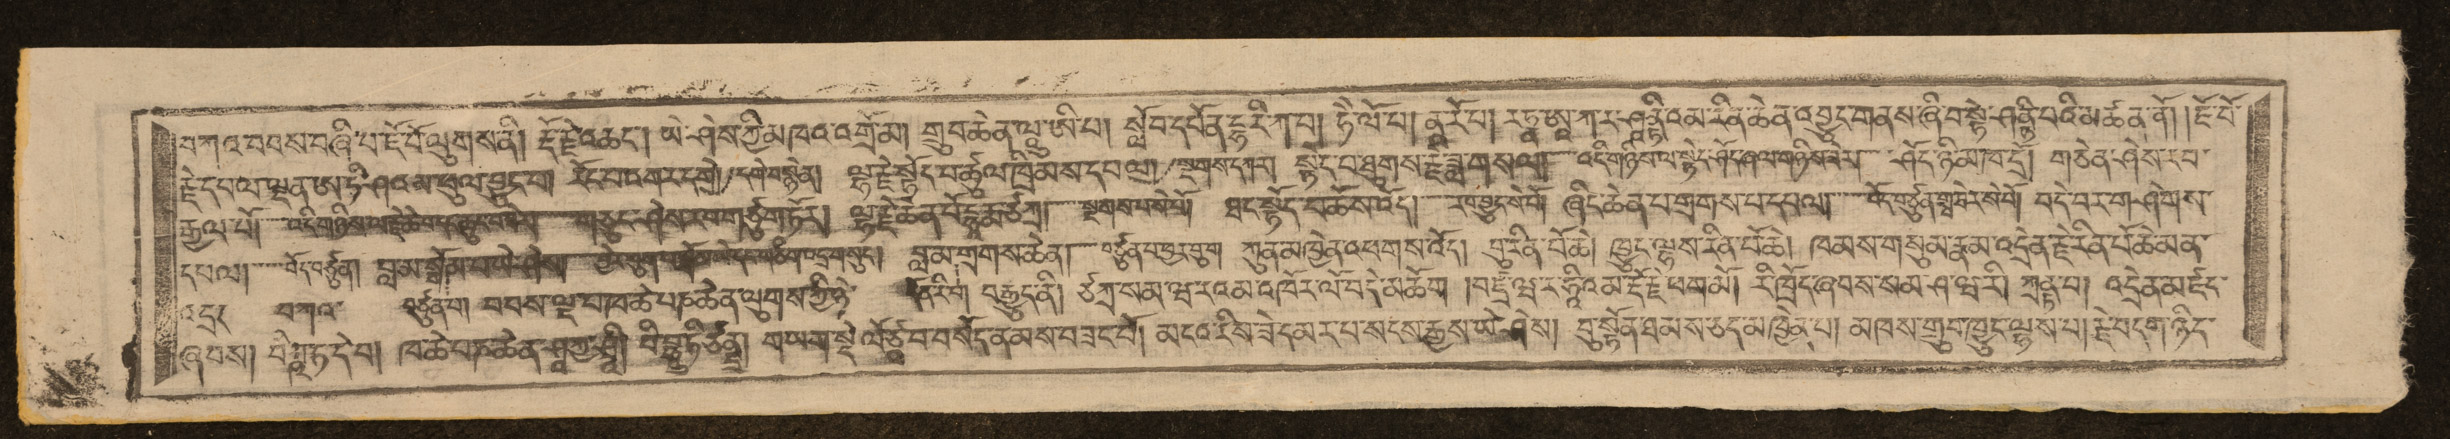བཀའ་བབས་བཞི་པ་ཇོ་བོ་ལུགས་ནི། རྡོ་རྗེ་འཆང་། ཡེ་ཤེས་ཀྱི་མཁའ་འགྲོ་མ། གྲུབ་ཆེན་ལཱུ་ཨི་པ། སློབ་དཔོན་དྷ་རི་ཀ་པ། ཧཻ་ལོ་པ། ནཱ་རོ་པ། རཏྣ་ཨཱ་ཀ་ར་ཤཱནྟི་འམ་རིན་ཆེན་འབྱུང་གནས་ཞི་བསྟེ་ཤནྟི་པའི་མཚན་ནོ། །ཇོ་བོ་
རྗེ་དཔལ་ལྡན་ཨ་ཏི་ཤའམ་ཕུལ་བྱུང་པ། རོང་བ་འགར་དགེ། དགེ་བསྙེན། ལྷ་རྗེ་སྟོད་པ་ཚུལ་ཁྲིམས་དཔལ། སྔགས་དཀར། སྟེད་དང་ཐུགས་རྗེ་ཟླ་གསལ། འདི་གཉིས་ལ་སྟེད་ཤོད་ཞལ་གཉིས་ཟེར། ཤོད་ཉི་མ་ཁྲ་དྲོ། གཅེན་ཤེས་རབ་
རྒྱལ་པོ། འདི་གཉིས་ལ་རྗེ་ཆེ་བ་དང་ཆུང་བ་ཟེར། གཅུང་ཤེས་རབ་གཙུག་ཏོར། ལྷ་རྗེ་ཆེན་པོ་དྷཱ་རྨ་ཙཀྲ། སྔགས་པ་སེ་པོ། ཐང་སྟོད་པ་ཆོས་འོད། རབ་བྱུང་སེ་པོ། ཞིང་ཆེན་པ་གྲགས་པ་དཔལ། བོད་བཙུན་གྲྭ་ཐེར་སེ་པོ། བདེ་བར་གཤེགས་
དཔལ། བོད་བཙུན། བླ་མ་སྒོམ་པ་ཡེ་ཤེས། བྱེར་ཕུག་པ་སྒོམ་ཡེ་དང་གཅིག་འདྲ་གསུང་། བླ་མ་གྲགས་ཆེན། བཙུན་པ་ཕྱར་བུ་བ། ཀུན་མཁྱེན་འཕགས་འོད། བུ་རིན་པོ་ཆེ། ཁྱུང་ལྷས་རིན་པོ་ཆེ། ཁམས་གསུམ་རྣམ་འདྲེན་རྗེ་རིན་པོ་ཆེ་མན་
འདྲ༑ བཀའ་?་བཙུན་པ། བབས་ལྔ་པ་ཁ་ཆེ་པཎ་ཆེན་ལུགས་ཀྱི་ཉེ་?་དོན་རི་བ། བརྒྱུད་ནི། ཙཀྲ་ས་མཝ་རའམ་འཁོར་ལོ་བདེ་མཆོག །བཛྲ་ཝ་ར་ཧཱི་འམ་རྡོ་རྗེ་ཕག་མོ། རི་ཁྲོད་ཞབས་སམ་ཤ་ཝ་རི། ཀྲནྟ་པ། འདྲེན་མཛད་
ཞབས། བིཀྵ་ཏ་དེ་བ། ཁ་ཆེ་པཎ་ཆེན་ཤཱཀྱ་ཤྲཱི། བི་བྷཱུ་ཏི་ཙནྦྲ། གཡག་སྡེ་ལོ་ཙཱ་བ་བསོད་ནམས་བཟང་པོ། མངའ་རིས་ཟེད་མར་བ་སངས་རྒྱས་ཡེ་ཤེས། བུ་སྟོན་ཐམས་ཅད་མཁྱེན་པ། མཁས་གྲུབ་ཁྱུང་ལྷས་བ། རྗེ་བདག་ཉིད་